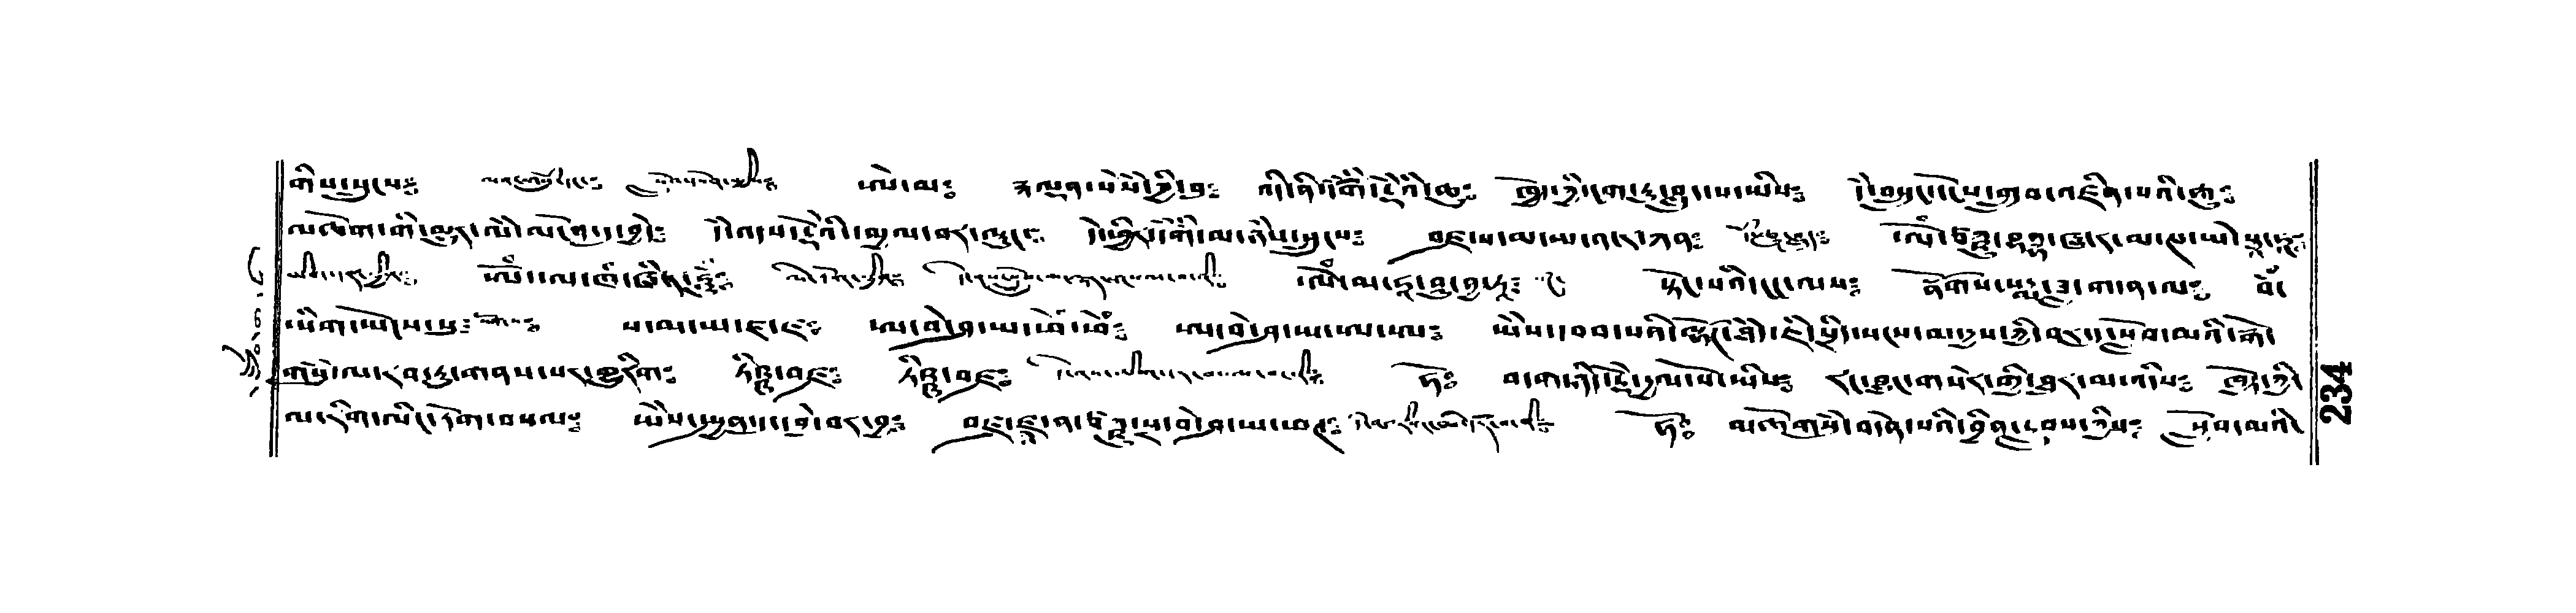གིས་བསྲུང༔ ལན་གསུམ་དང༔ སློབ་དཔོན་གྱིས༔ ཨེ་མ་སྐལ་ལྡན་སེམས་ཀྱི་བུ༔ འདི་ནི་དམ་ཚིག་རྡོ་རྗེའི་ཆུ༔ ཁྱོད་ཀྱི་ངག་ཏུ་བླུད་པ་ཡིས༔ དམ་བསྲུང་དངོས་གྲུབ་འཛིན་པའི་ཆུ༔ 
མཆོག་གི་མྱུར་ལམ་མངོན་དུ་བྱེད༔ དམ་འདས་རྡོ་རྗེའི་དམྱལ་བར་ལྟུང༔ དེ་ཕྱིར་དམ་ཚིག་མ་ཉམས་སྲུངས༔ བཛྲ་ས་མ་ཡ་ན་ར་ཀན༔ དམ་ཆུ་བླུད༔ ཨོཾ་ཙཀྵུ་བྷནྡྷ་ཝ་ར་མ་ཎ་ཡེ་སྭཱ་ཧཱཿ 
མིག་དར་སྦྱིན༔ ཨོཾ་ཨ་ཁཾ་ཝི་ར་ཧཱུྃ༔ མེ་ཏོག་སྦྱིན༔ དེ་ནས་སློབ་མ་ལྷར་གསལ་བ་ནི༔ ཨོཾ་མ་ཧཱ་ཤུ་ནྱ་ཏཱ༴སོགས༔ སྟོང་པའི་ངང་ལས༔ སྣ་ཚོགས་པདྨ་ཟླ་གདན་ལ༔ བྃ་
ཡིག་ཡོངས་སུ༴སོགས༔ ས་མ་ཡ་ཛ་ཛཿ ཨ་བེ་ཤ་ཡ་ཕེཾ་ཕེཾ༔ ཨ་བེ་ཤ་ཡ་ཨ་ཨ༔ ཡེ་ཤེས་དབབ་པའི་ལྷ་ཚོགས་ཐམས་ཅད་ཇི་སྲིད་སངས་མ་རྒྱས་ཀྱི་བར་དུ་སློབ་མའི་སྒོ་
གསུམ་ལ་རབ་ཏུ་གནས་པར་གྱུར་ཅིག༔ ཏིཥྛ་བཛྲ༔ ཏིཥྛ་བཛྲ༔ དེ་ནས་མིག་དར་བསལ་བ་ནི༔ ཧོཿ བདག་ཉིད་རྡོ་རྗེ་རྒྱལ་པོ་ཡིས༔ རང་བྱུང་གསེར་གྱི་ཐུར་མ་འདིས༔ ཁྱོད་ཀྱི་
མ་རིག་ལིང་ཏོག་བསལ༔ ཡེ་ཤེས་སྤྱན་དུ་དབྱེ་བར་བྱ༔ བཛྲ་ཛྙཱ་ན་ཙཀྵུ་པྲ་བེ་ཤ་ཡ་ཕཊ༔ དེ་ནས་རིག་མེ་དོར་བ་ནི༔ ཧོཿ མཆོག་གསུམ་བདེན་པའི་བྱིན་རླབས་ཀྱིས༔ སློབ་མའི་